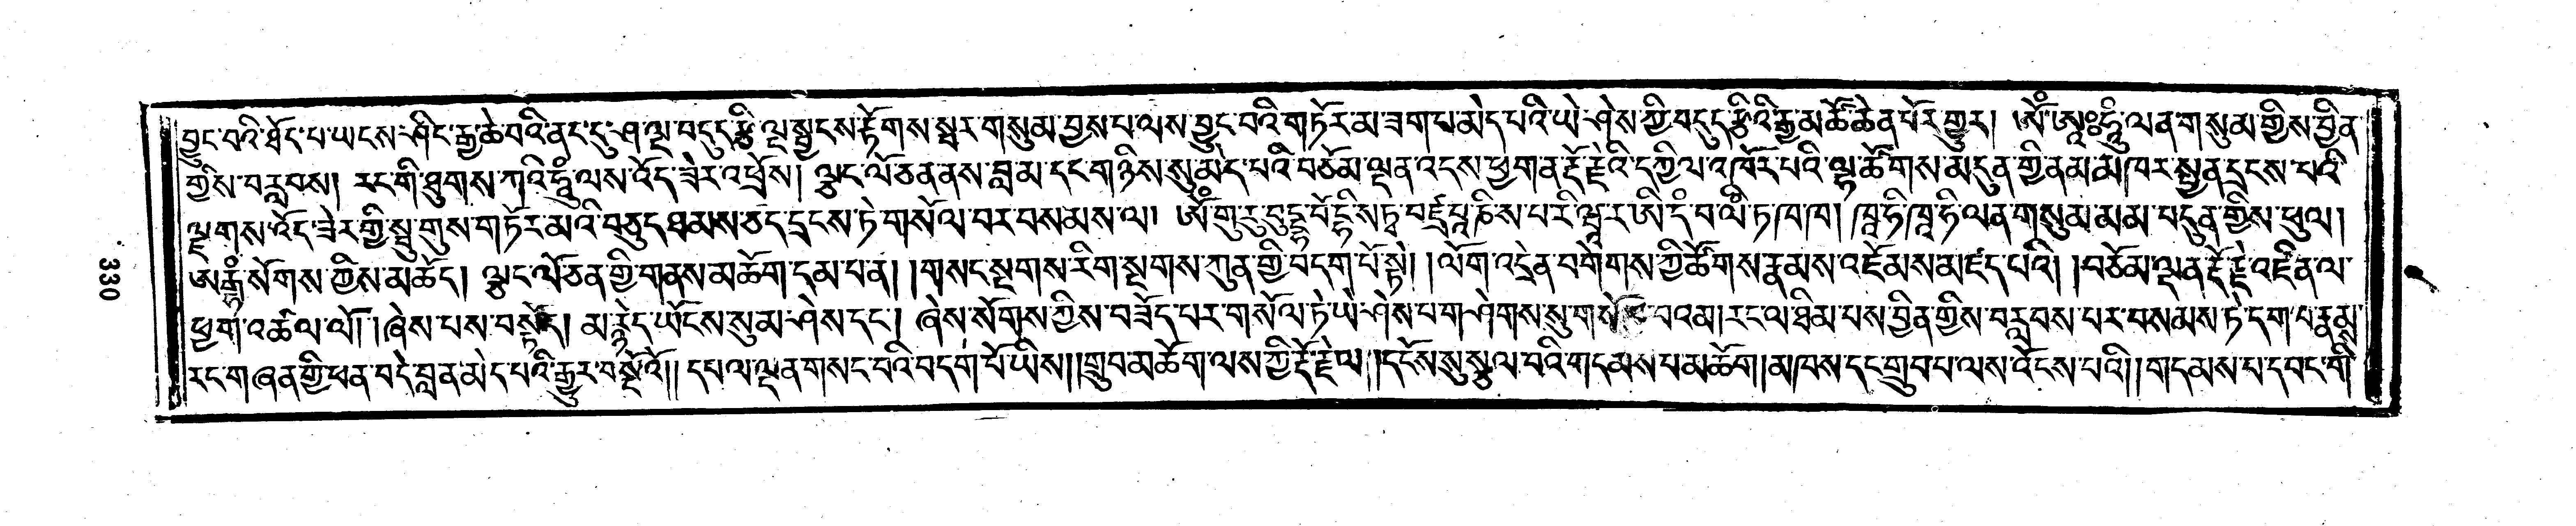བྱུང་བའི་ཐོད་པ་ཡངས་ཤིང་རྒྱ་ཆེ་བའི་ནང་དུ་ཤ་ལྔ་བདུད་རྩི་ལྔ་སྦྱངས་རྟོགས་སྦར་གསུམ་བྱས་པ་ལས་བྱུང་བའི་གཏོར་མ་ཟག་པ་མེད་པའི་ཡེ་ཤེས་ཀྱི་བདུད་རྩིའི་རྒྱ་མཚོ་ཆེན་པོར་གྱུར། ཨོཾ་ཨཱཿ ཧཱུཾ་ལན་གསུམ་གྱིས་བྱིན་
གྱིས་བརླབས། རང་གི་ཐུགས་ཀའི་ཧཱུཾ་ལས་འོད་ཟེར་འཕྲོས། ལྕང་ལོ་ཅན་ནས་བླ་མ་དང་གཉིས་སུ་མེད་པའི་བཅོམ་ལྡན་འདས་ཕྱག་ན་རྡོ་རྗེའི་དཀྱིལ་འཁོར་བའི་ལྷ་ཚོགས་མདུན་གྱི་ནམ་མཁར་སྤྱན་དྲངས་པའི་
ལྗགས་འོད་ཟེར་གྱི་སྦུ་གུས་གཏོར་མའི་བཅུད་ཐམས་ཅད་དྲངས་ཏེ་གསོལ་བར་བསམས་ལ། ཨོཾ་གུ་རུ་བུདྡྷ་བོ་དྷི་སཏྭ་བཛྲ་པཱ་ཎི་ས་པ་རི་ཝཱ་ར་ཨི་དཾ་བ་ལིཾ་ཏ་ཁ་ཁ། ཁཱ་ཧི་ཁཱ་ཧི་ལན་གསུམ་མམ་བདུན་གྱིས་ཕུལ།
ཨརྒྷཾ་སོགས་ཀྱིས་མཆོད། ལྕང་ལོ་ཅན་གྱི་གནས་མཆོག་དམ་པ་ན། །གསང་སྔགས་རིག་སྔགས་ཀུན་གྱི་བདག་པོ་སྟེ། །ལོག་འདྲེན་བགེགས་ཀྱི་ཚོགས་རྣམས་འཇོམས་མཛད་པའི། །བཅོམ་ལྡན་རྡོ་རྗེ་འཛིན་ལ་
ཕྱག་འཚལ་ལོ། །ཞེས་པས་བསྟོད། མ་རྙེད་ཡོངས་སུ་མ་ཤེས་དང་། ཞེས་སོགས་ཀྱིས་བཟོད་པར་གསོལ་ཏེ་ཡེ་ཤེས་པ་གཤེགས་སུ་གསོལ་བའམ། རང་ལ་ཐིམ་པས་བྱིན་གྱིས་བརླབས་པར་བསམས་ཏེ་དགེ་བ་རྣམས་
རང་གཞན་གྱི་ཕན་བདེ་བླ་ན་མེད་པའི་རྒྱུར་བསྔོའོ། །དཔལ་ལྡན་གསང་བའི་བདག་པོ་ཡིས། །གྲུབ་མཆོག་ལས་ཀྱི་རྡོ་རྗེ་ལ། །དངོས་སུ་སྩལ་བའི་གདམས་པ་མཆོག །མཁས་དང་གྲུབ་པ་ལས་འོངས་པའི། །གདམས་པ་དབང་གི་